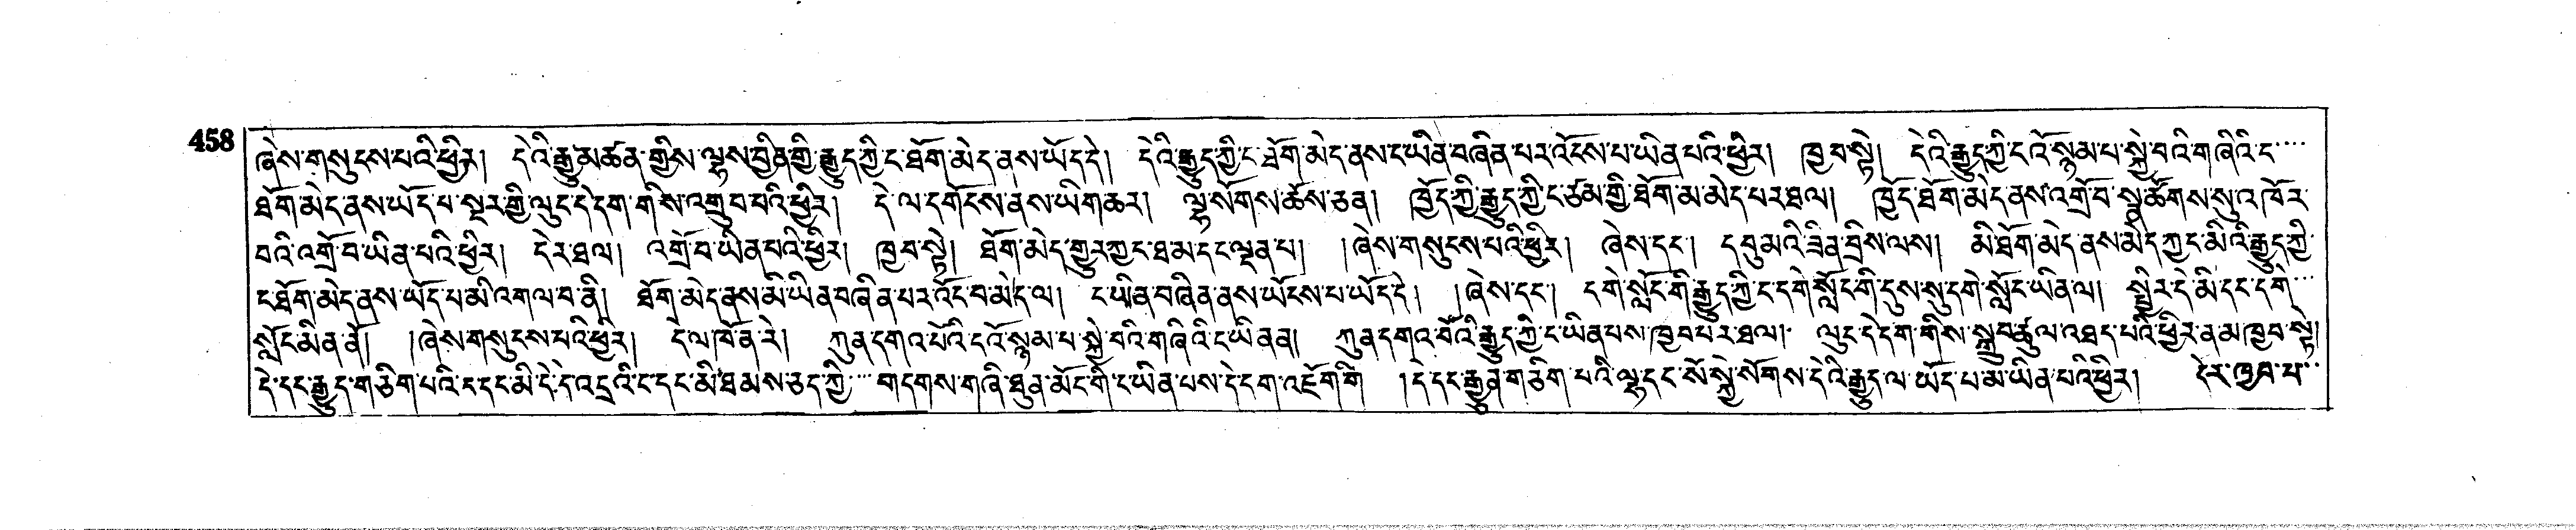ཞེས་གསུངས་པའི་ཕྱིར། དེའི་རྒྱུ་མཚན་གྱིས་ལྷས་བྱིན་གྱི་རྒྱུད་ཀྱི་ང་ཐོག་མེད་ནས་ཡོད་དེ། དེའི་རྒྱུད་ཀྱི་ང་ཐོག་མེད་ནས་ང་ཡིན་བཞིན་པར་འོངས་པ་ཡིན་པའི་ཕྱིར། ཁྱབ་སྟེ། དེའི་རྒྱུད་ཀྱི་ངའོ་སྙམ་པ་སྐྱེ་བའི་གཞིའི་ང་
ཐོག་མེད་ནས་ཡོད་པ་སྔར་གྱི་ལུང་དེ་དག་གིས་འགྲུབ་པའི་ཕྱིར། དེ་ལ་དགོངས་ནས་ཡིག་ཆར། ལྷ་སོགས་ཆོས་ཅན། ཁྱོད་ཀྱི་རྒྱུད་ཀྱི་ང་ཙམ་གྱི་ཐོག་མ་མེད་པར་ཐལ། ཁྱོད་ཐོག་མེད་ནས་འགྲོ་བ་སྣ་ཚོགས་སུ་འཁོར་
བའི་འགྲོ་བ་ཡིན་པའི་ཕྱིར། དེར་ཐལ། འགྲོ་བ་ཡིན་པའི་ཕྱིར། ཁྱབ་སྟེ། ཐོག་མེད་གྱུར་ཀྱང་ཐ་མ་དང་ལྡན་པ། །ཞེས་གསུངས་པའི་ཕྱིར། ཞེས་དང་། དབུ་མའི་ཟིན་བྲིས་ལས། མི་ཐོག་མེད་ནས་མེད་ཀྱང་མིའི་རྒྱུད་ཀྱི་
ང་ཐོག་མེད་ནས་ཡོད་པ་མི་འགལ་བ་ནི། ཐོག་མེད་ནས་མི་ཡིན་བཞིན་པར་འོང་བ་མེད་ལ། ང་ཡིན་བཞིན་ནས་ཡོངས་པ་ཡོད་དེ། །ཞེས་དང་། དགེ་སློང་གི་རྒྱུད་ཀྱི་ང་དགེ་སློང་གི་དུས་སུ་དགེ་སློང་ཡིན་ལ། སྤྱིར་དེ་མི་དང་དགེ་
སློང་མིན་ནོ། །ཞེས་གསུངས་པའི་ཕྱིར། དེ་ལ་ཁོ་ན་རེ། ཀུན་དགའ་པོའི་ངའོ་སྙམ་པ་སྐྱེ་བའི་གཞིའི་ང་ཡིན་ན། ཀུན་དགའ་བོའི་རྒྱུད་ཀྱི་ང་ཡིན་པས་ཁྱབ་པར་ཐལ། ལུང་དེ་དག་གིས་སྐྲུབ་ཚུལ་འཐད་པའི་ཕྱིར་ན་མ་ཁྱབ་སྟེ།
དེ་དང་རྒྱུད་གཅིག་པའི་ང་དང་མི་དེ་དེ་འདྲའི་ང་དང་མི་ཐམས་ཅད་ཀྱི་གདགས་གཞི་ཐུན་མོང་གི་ང་ཡིན་པས་དེ་དག་འཇོག་གི །དེ་དང་རྒྱུན་གཅིག་པའི་ལྷ་དང་སོ་སྐྱེ་སོགས་དེའི་རྒྱུད་ལ་ཡོད་པ་མ་ཡིན་པའི་ཕྱིར། དེར་ཁྱབ་པ་